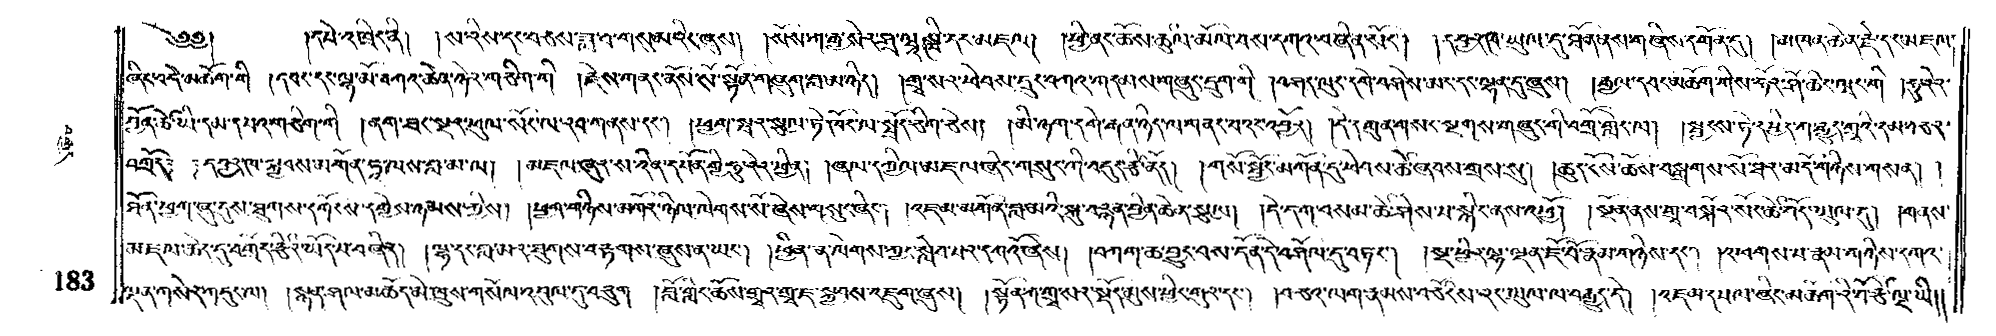༄༅། །དཔེ་འཁྲིད་ནི། །ས་རིས་དང་བཅས་ཟླ་བ་གསུམ་རིང་ཞུས། །སོས་ཀ་རྒྱ་སེར་ཤྲ་ཝཱསྑི་དང་མཇལ། །ཕྱི་ནང་ཆོས་ཚུལ་མོལ་བས་དགའ་བཞིན་སོང་། །དབྱར་ཁ་ཡུལ་དུ་ཐོན་ནས་གཞིས་དགོན་དུ། །མཁན་ཆེན་རྗེ་དང་མཇལ་
ཞིང་བདེ་མཆོག་གི །དབང་དང་ལྷ་མོ་བཀའ་ཆེན་ཉེར་གཅིག་གི །རྗེས་གནང་ནོས་སོ་སྟོན་གཞུག་བླ་མ་ཉིད། །གྲྭ་སར་ཕེབས་དྲུང་བཀའ་གདམས་གཞུང་དྲུག་གི །བཤད་ལུང་དགེ་བཤེས་མང་དང་ལྷན་དུ་ཞུས། །རྒྱལ་དབང་མཆོག་གིས་ཧོར་ཤོ་ཆིང་ལྤང?་གི །ཧུ་རེར་
བྱོན་ཚེ་ཡི་དམ་དཔའ་གཅིག་གི །ནག་ཐང་སྔར་ཕུལ་སོང་ལ་རབ་གནས་དང་། །ཕྱག་སྤར་སྩལ་ཏེ་ཁོང་ལ་སྤྲོད་ཅིག་ཅེས། །མི་ཉག་དགེ་རྒན་ཉིད་ལ་གནང་བའང་འབྱོར། །དེ་དགུན་གསང་སྔགས་གཞུང་གི་བགྲོ་གླེང་ལ། །སྦྱངས་ཏེ་དཔྱིད་ཀ་རྒྱུད་གྲྭའི་དམ་བཅར་
བགྲོད༑ ༑དབྱར་ཁ་སྐྱབས་མགོན་ཏཱ་ལས་བླ་མ་ལ། །མཇལ་ཞུར་ས་འིན་དཔོན་གྱི་ཧུ་རེར་ཕྱིན། །ཞལ་དཀྱིལ་མཇལ་ཞིང་གསུང་གི་བདུད་རྩི་ནོད། །གསོ་སྤྱོང་མགོན་དུ་ཕེབས་ཚེ་ཞབས་གྲས་སུ། །ཆུད་ངོས་ཆོས་བསྒྲགས་སོ་ཐར་མདོ་གཉིས་གསན། །
ཐོན་ཕྱག་ཞུ་དུས་ཐུགས་དགོངས་དགྱེས་ཉམས་ཀྱིས། །ཕྱག་གཉིས་མགོར་ཉིལ་ལེགས་སོ་ཞེས་གསུང་ཞིང་། །འཇམ་མགོན་བླ་མའི་སྐུ་བརྙན་བྱིན་ཆེན་སྩལ། །དེ་དག་བསམ་ཚེ་ཤེས་པ་སྙིང་ནས་འཕྱོ། །སྔོན་ནས་གྲྭ་བསྐོར་སོང་ཚེ་བོད་ཡུལ་དུ། །གནས་
མཇལ་ཆེད་དུ་བགྲོད་རྩིར་ཡོད་པ་བཞིན། །ལྷ་དང་བླ་མར་ཐུགས་བརྟགས་ཞུས་ན་ཡང་། །ཕྱིན་ན་ལེགས་ཀྱང་སླེབ་པར་དཀའོ་ཞེས། །བཀག་ཆ་བྱུང་བས་དོན་དེ་བཤོལ་དུ་བཏང་། །སྔ་ཕྱིར་ལྷ་ལྡན་ཇོ་བོ་རྣམ་གཉིས་དང་། །འཕགས་པ་རྣམ་གཉིས་དགའ་
ལྡན་གསེར་གདུང་ལ། །སྙན་ཤལ་མཆོད་མི་ཁྲུས་གསོལ་འབུལ་དུ་བཅུག །བློ་གླིང་ཆོས་གྲྭར་གྲྭ་ཇ་སྐྱབས་འཇུག་ཞུས། །སྟོན་ཀ་གྲྭ་སར་སྡོད་མུས་ཕྱིང་གུར་དང་། །བཅའ་ལག་རྣམས་བཙོངས་རང་ཡུལ་ལ་བརྒྱུད་དེ། །འཇམ་དཔལ་ཞིང་མཆོག་རི་བོ་རྩེ་ལྔ་ཡི། །